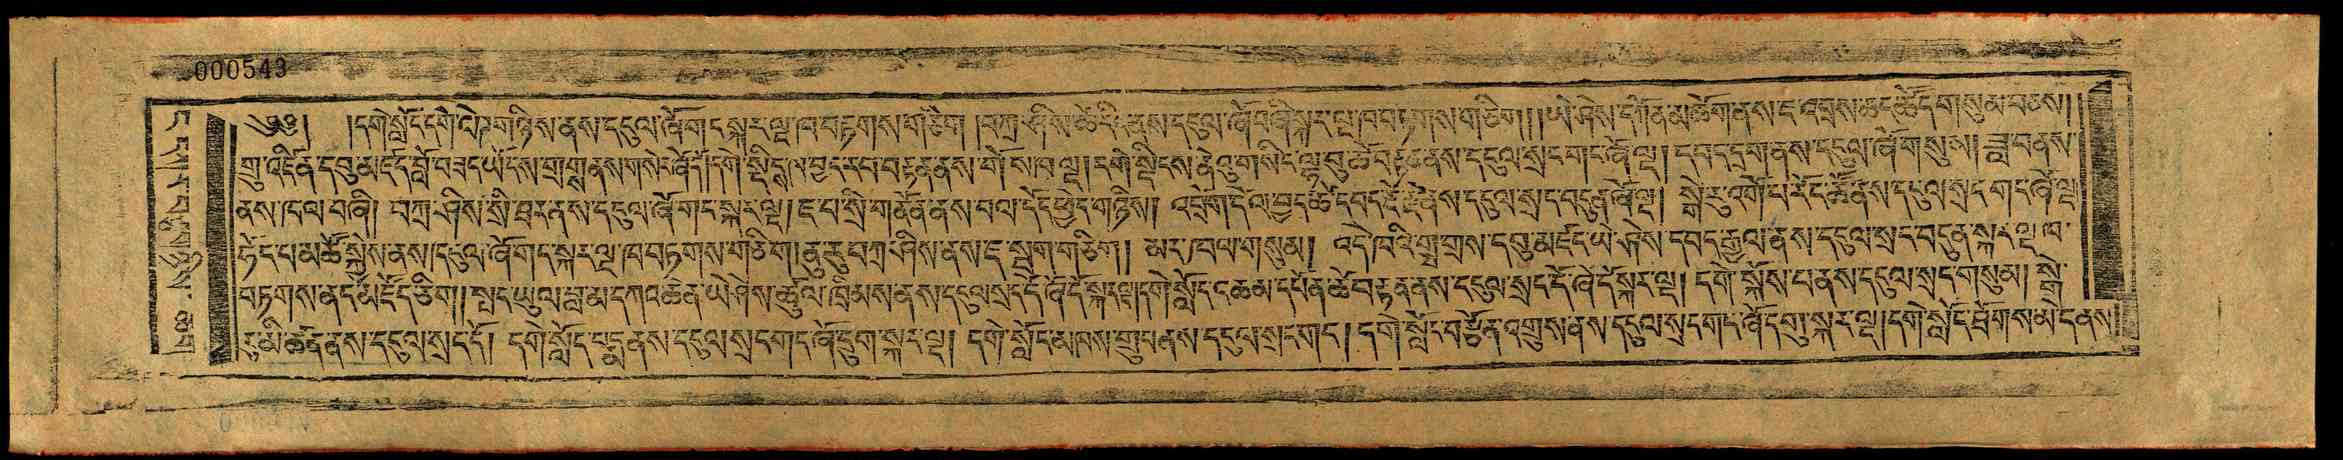༄༅། །དགེ་སློང་དགེ་ལེཌ་གཉིས་ནས་དངུལ་ཞོ་གང་སྐར་ལྔ་ཁ་བཏགས་གཅིག །བཀྲ་ཤིས་ཚེ་རིང་ནས་དངུལ་ཞོ་བཞི་སྐར་ལྔ་ཁ་བཏགས་གཅིག །ཡེ་ཤེས་དཀོན་མཆོག་ནས་ཇ་འབྲས་ཆང་ཚོད་གསུམ་བཅས།
གྲུ་འཛིན་དབུ་མཛད་བློ་བཟང་ཡོངས་གྲགས་ནས་གསེར་ཞོ་དོ། དགེ་སྡིངས་ཁ་བྱང་རབ་བརྟན་ནས་གོས་ཁ་ལྔ། དགེ་སྡིངས་ནེའུ་གསིང་ལྷ་བུ་ཚེ་བརྟན་ནས་དངུལ་སྲང་གང་ཞོ་ལྔ། དབང་དྲག་ནས་དངུལ་ཞོ་གསུམ། ཟླ་བ་ནས་
ནས་ཁལ་བཞི། བཀྲ་ཤིས་སྲི་ཐར་ནས་དངུལ་ཞོ་གང་སྐར་ལྔ། ཇ་པ་སྲི་གནོན་ནས་བལ་དོད་ཕྱེད་གཉིས། འབྲོག་དོལ་བྱད་ཚེ་དབང་རྡོ་རྗེ་ནས་དངུལ་སྲང་བདུན་ཞོ་ལྔ། སྒེ་རུ་འགོ་པ་རོང་ཚེ་ནས་དངུལ་སྲང་གང་ཞོ་ལྔ་
ཧོང་པ་མཚོ་སྐྱེས་ནས་དངུལ་ཞོ་གང་སྐར་ལྔ་ཁ་བཏགས་གཅིག །ནུ་རུ་བཀྲ་ཤིས་ནས་ཇ་སྦག་གཅིག །མར་ཁལ་གསུམ། འདི་ཁའི་གྲྭ་གྲགས་དབུ་མཛད་ཡེ་ཤེས་དབང་རྒྱལ་ནས་དངུལ་སྲང་བདུན་སྐར་ལྔ་ཁ་
བཏགས་ནང་མཛད་ཅིག །སྤང་ཡུལ་བླ་མ་དཀའ་ཆེན་ཡེ་ཤེས་ཚུལ་ཁྲིམས་ནས་དངུལ་སྲང་དོ་ཞོ་དོ་སྐར་ལྔ། དགེ་སློང་འཆམ་དཔོན་ཚེ་བརྟན་ནས་དངུལ་སྲང་དོ་ཞོ་དོ་སྐར་ལྔ། དགེ་སྐོས་པ་ནས་དངུལ་སྲང་གསུམ། སྒེ་
རུ་མཚན་ནས་དངུལ་སྲང་དོ། དགེ་སློང་པདམ་ནས་དངུལ་སྲང་གང་ཞོ་དྲུག་སྐར་ལྔ། དགེ་སློང་མཁས་གྲུབ་ནས་དངུལ་སྒྲང་གང་། དགེ་སློང་བརྩོན་འགྲུས་ནས་དངུལ་སྒྲན་གང་ཞོ་དགུ་སྐར་ལྔ། དགེ་སློང་ཐོགས་མེད་ནས་